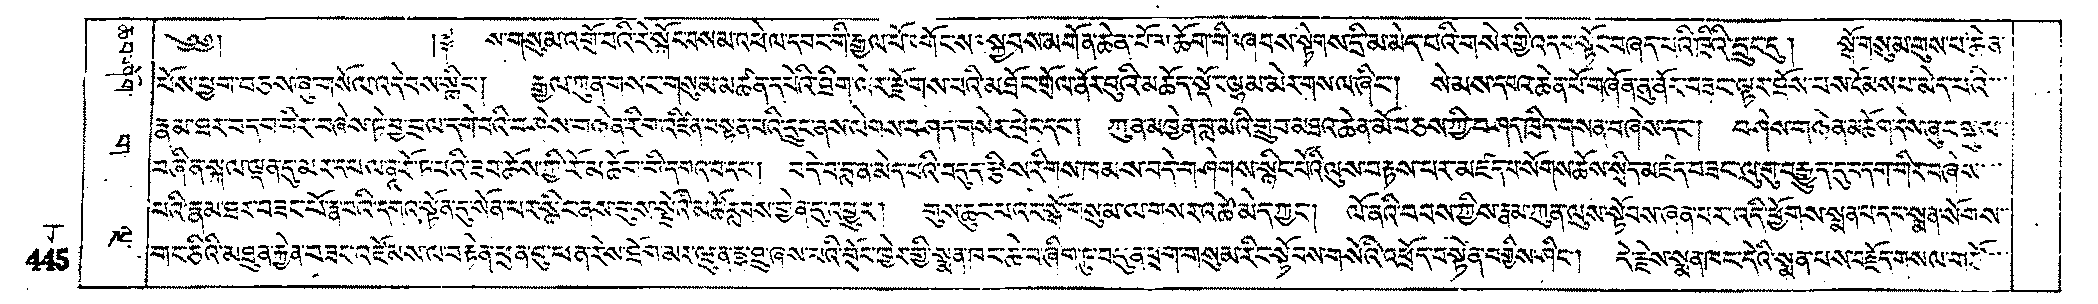༄༅། །འ་ས་གསུམ་འགྲོ་བའི་རེ་སྐོང་བསམ་འཕེལ་དབང་གི་རྒྱལ་པོ ༧གོང་ས ༧སྐྱབས་མགོན་ཆེན་པོ་མཆོག་གི ༧ཞབས་སྟེགས་དྲི་མ་མེད་པའི་གསེར་གྱི་འདབ་སྟོང་བཞད་པའི་ཁྲིའི་དྲུང་དུ། སྒོ་གསུམ་གུས་པ་ཆེན་
པོས་ཕྱག་བཅས་ཞུ་གསོལ་འདེབས་སྙིང་། རྒྱལ་ཀུན་གསང་གསུམ་མཚན་དཔེའི་ཐིག་ལེར་རྫོགས་པའི་མཐོང་གྲོལ་ནོར་བུའི་མཆོད་སྡོང་ལྷམ་མེར་གསལ་ཞིང་། སེམས་དཔའ་ཆེན་པོ་གཞོན་ནུ་ནོར་བཟང་ལྟར་ཐོས་པས་ངོམས་པ་མེད་པའི་་་
རྣམ་ཐར་བདག་གིར་བཞེས་ཏེ་བྱ་བྲལ་དགེ་བའི་བཤེས་གཉེན་རིག་འཛིན་བསྟན་པའི་དྲུང་ནས་ལེགས་བཤད་གསེར་ཕྲེང་དང་། ཀུན་མཁྱེན་བླ་མའི་གྲུབ་མཐའ་ཆེན་མོ་བཅས་ཀྱི་བཤད་ཁྲིད་གསན་བཞེས་དང་། བཤེས་གཉེན་མཆོག་དེས་ཞུ་བསྐུལ་་་
བཞིན་སྐལ་ལྡན་དུ་མར་དཔལ་ནཱ་རོ་ཏ་པའི་ཟབ་ཆོས་ཀྱི་རོ་མཆོག་གི་དགའ་བ་དང་། བདེ་བ་བླ་ན་མེད་པའི་བདུད་རྩིས་རིགས་ཁམས་བདེ་གཤེགས་སྙིང་པོའི་ལུས་བརྟས་པར་མཛད་པ་སོགས་ཆོས་སྲིད་མཛད་བཟང་ལུ་གུ་བརྒྱུད་དུ་བདག་གིར་བཞེས་་་
པའི་རྣམ་ཐར་བཟང་པོ་རྣ་བའི་དགའ་སྟོན་དུ་སོན་པར་སྙིང་ནས་གུས་སྤྲོའི་མཚོ་རླབས་གྱེན་དུ་འཕྱུར། གུས་ཆུང་པའང་སྒོ་གསུམ་ལ་གསར་འཚེ་མེད་ཀྱང་། ལོ་ནའི་བབས་ཀྱིས་རྣམ་ཀུན་ལུས་སྟོབས་ཞན་པར་འདི་ཕྱོགས་སྨན་པ་དང་སྨན་སོགས་་་
གང་ཅིའི་མཐུན་རྐྱེན་བཟང་འཛོམས་ལ་བརྟེན་ཕྲན་བུ་ཕན་རེས་ཐོག་མར་ཝུན་དྷ་ཐུ་ཞས་པའི་གྲོང་ཁྱེར་གྱི་སྨན་ཁང་ཆེ་བ་ཞིག་ཏུ་བདུན་ཕྲག་གསུམ་རིང་སྟོབས་གསོའི་འཕྲོད་བསྟེན་བགྱིས་ཤིང་། དེ་རྗེས་སྨན་ཁང་དེའི་སྨན་པས་བརྗོད་གསལ་གཙོ་་་